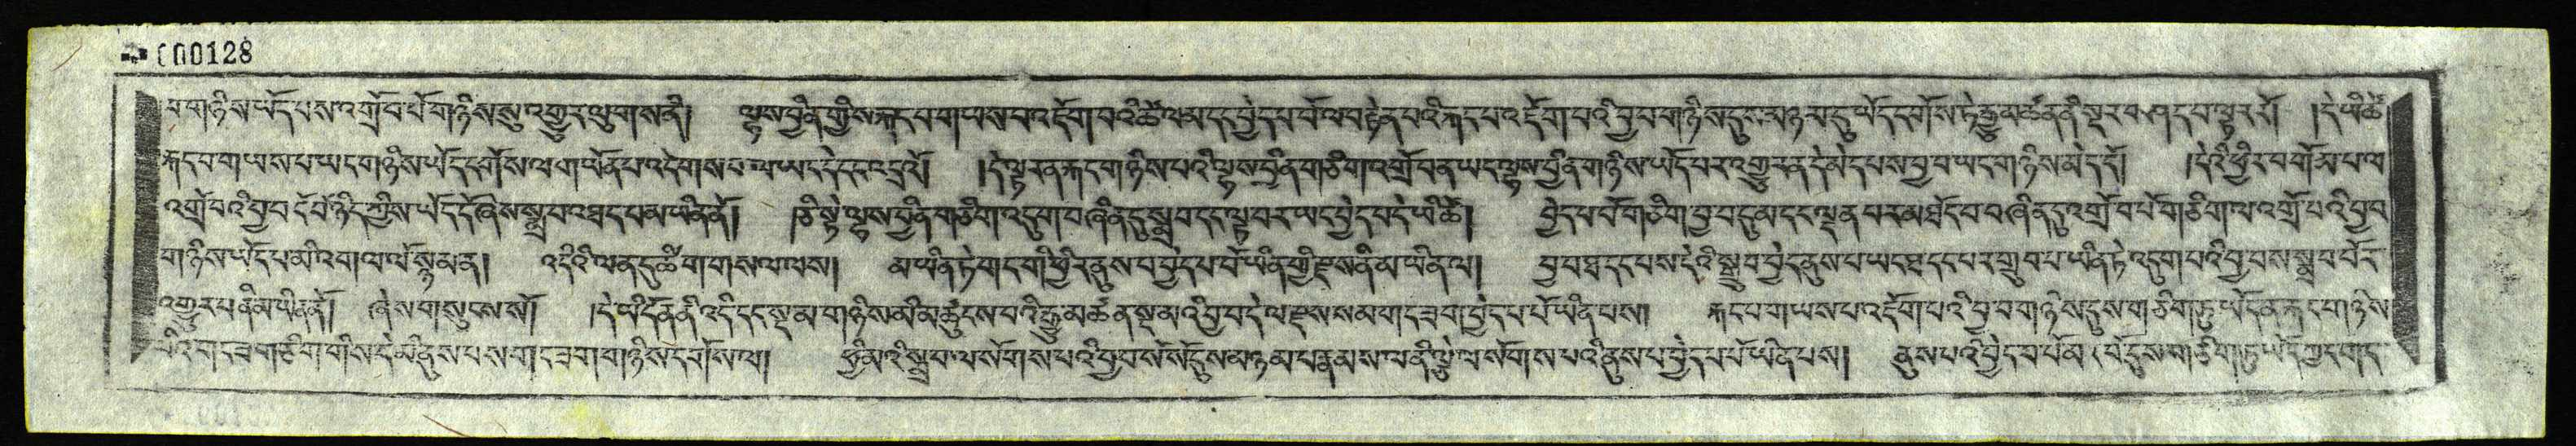བ་གཉིས་ཡོད་པས་འགྲོ་བ་པོ་གཉིས་སུ་འགྱུར་ལུགས་ནི། ལྷས་བྱིན་གྱིས་རྐང་པ་གཡས་པ་འཇོག་པའི་ཚེ་ལམ་དང་བྱེད་པ་པོ་ལ་བརྟེན་པའི་རྐང་པ་འཇོག་པའི་བྱ་བ་གཉིས་དུས་མཉམ་དུ་ཡོད་དགོས་ཏེ་རྒྱུ་མཚན་ནི་སྔར་བཤད་པ་ལྟར་རོ། །དེ་ཡི་ཚེ་
རྐང་པ་གཡས་པ་ཡང་གཉིས་ཡོད་དགོས་ལ་གཡོན་པ་འདེགས་པ་ལ་ཡང་དེ་དང་འདྲའོ། །དེ་ལྟར་ན་རྐང་གཉིས་པའི་ལྷས་བྱིན་གཅིག་འགྲོ་བ་ན་ཡང་ལྷས་བྱིན་གཉིས་ཡོད་པར་འགྱུར་ན་དེ་མེད་པས་བྱ་བ་ཡང་གཉིས་མེད་དོ། །དེའི་ཕྱིར་བགོམ་པ་ལ་
འགྲོ་བའི་བྱ་བ་ངོ་བོ་ཉིད་ཀྱིས་ཡོད་དོ་ཞེས་སྨྲ་བ་འཐད་པ་མ་ཡིན་ནོ། །ཅི་སྟེ་ལྷས་བྱིན་གཅིག་འདུག་བཞིན་དུ་སྨྲ་བ་དང་ལྟ་བར་ཡང་བྱེད་པ་དེ་ཡི་ཚེ། བྱེད་པ་པོ་གཅིག་བྱ་བ་དུ་མ་དང་ལྡན་པར་མཐོང་བ་བཞིན་དུ་འགྲོ་བ་པོ་གཅིག་ལ་འགྲོ་བའི་བྱ་བ་
གཉིས་ཡོད་པ་མི་འགལ་ལོ་སྙམ་ན། འདིའི་ལན་དུ་ཚིག་གསལ་ལས། མ་ཡིན་ཏེ་གང་གི་ཕྱིར་ནུས་པ་བྱེད་པ་པོ་ཡིན་གྱི་རྫས་ནི་མ་ཡིན་ལ། བྱ་བ་ཐ་དད་པས་དེའི་སྒྲུབ་བྱེད་ནུས་པ་ཡང་ཐ་དད་པར་གྲུབ་པ་ཡིན་ཏེ་འདུག་པའི་བྱ་བས་སྨྲ་བ་པོར་
འགྱུར་པ་ནི་མ་ཡིན་ནོ། ཞེས་གསུངས་སོ། །དེ་ཡི་དོན་ནི་འདི་དང་སྔ་མ་གཉིས་མི་མཚུངས་པའི་རྒྱུ་མཚན་སྔ་མའི་བྱ་བ་དེ་ལ་རྫས་སམ་གང་ཟག་བྱེད་པ་པོ་ཡིན་པས། རྐང་པ་གཡས་པ་འཇོག་པའི་བྱ་བ་གཉིས་དུས་གཅིག་ཏུ་ཡོད་ན་རྐང་གཉིས་
པའི་གང་ཟག་ཅིག་གིས་དེ་མི་ནུས་པས་གང་ཟག་གཉིས་དགོས་ལ། ཕྱི་མའི་སྨྲ་བ་ལ་སོགས་པའི་བྱ་བ་སོ་སོ་དུས་མཉམ་པ་རྣམས་ལ་ནི་ལྕེ་ལ་སོགས་པའི་ནུས་པ་བྱེད་པ་པོ་ཡིན་པས། ནུས་པའི་བྱེད་པ་པོ་མང་པོ་དུས་གཅིག་ཏུ་ཡོད་ཀྱང་གང་